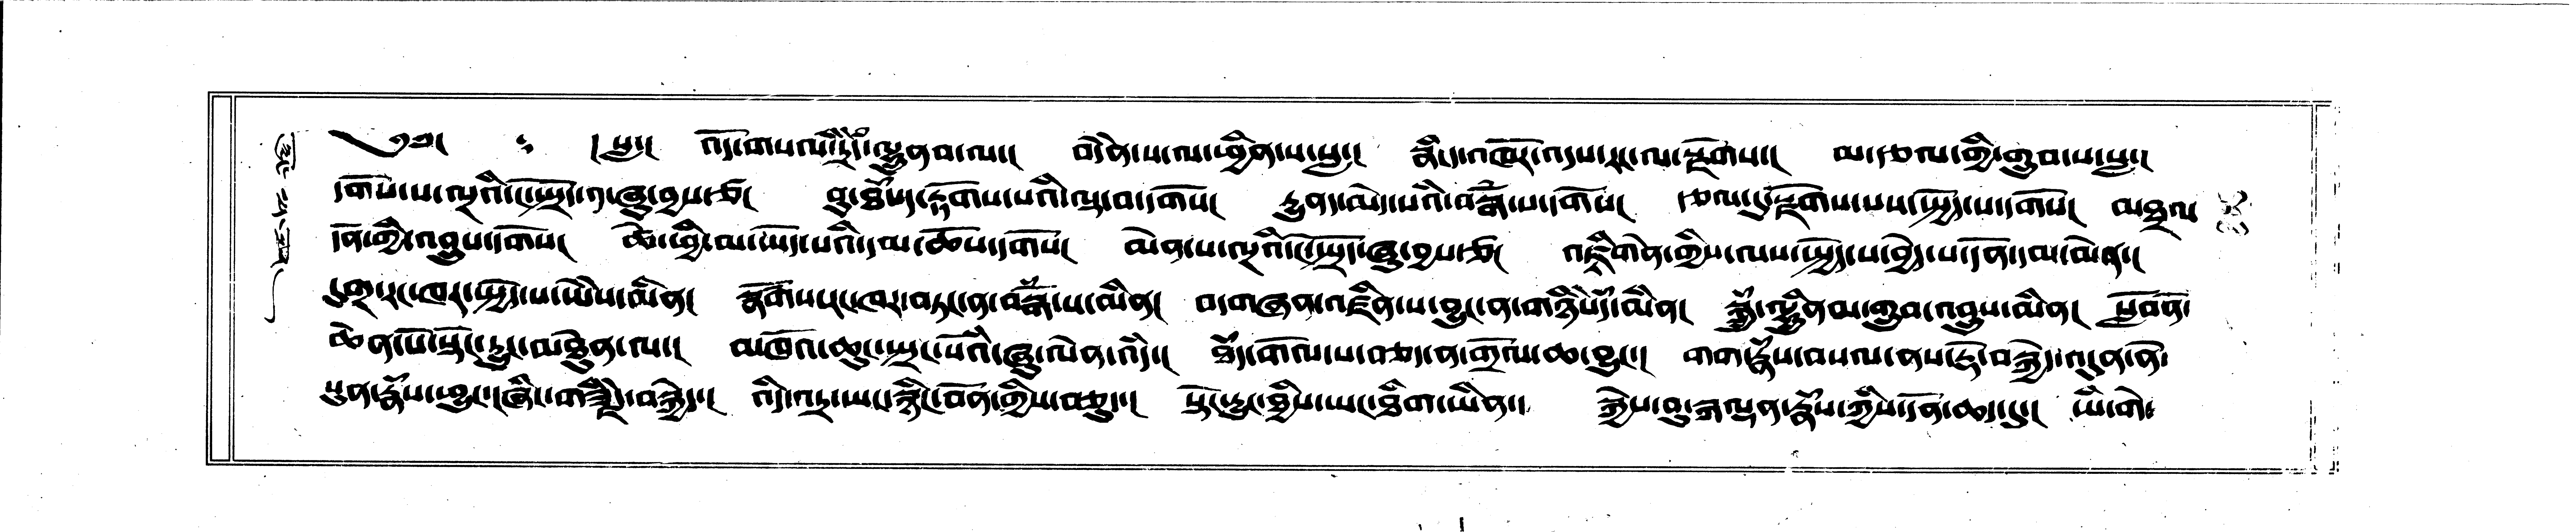སླ། །འོད་གསལ་དྲི་མེད་ལྷུན་འགྲུབ་ལ། །བདེ་ཆེན་ས་ལ་ཕྱིན་པ་སླ། །སྣང་སྲིད་འཁོར་འདས་རང་ལ་རྫོགས། །མ་བརྩལ་གྱི་གྲུབ་པ་སླ། 
།དགོས་པ་ལྔའི་ངོ་སྤྲོད་ཅིག་ཞུ་བྱས་ཙ། བུ་ཐམས་ཅད་རྟོགས་པའི་ལྟ་བ་དགོས། །རྒྱུན་ཆད་མེད་པའི་སྒོམ་པ་དགོས། །རྩལ་དུ་རྫོགས་པའི་སྤྱོད་པ་དགོས། །མཐའ་བྲལ་
དོན་གྱི་འབྲས་བུ་དགོས། །ཚེ་ཕྱི་མ་ཡོད་པའི་དམ་ཆོས་དགོས། །མིན་པ་ལྔའི་ངོ་སྤྲོད་ཞུ་བྱས་ཙ། འཇིག་རྟེན་གྱི་ལས་སྤྱོད་པ་བྱེད་པ་དོན་དམ་མིན། 
དུག་ལྔ་རག་ཁར་སྤྱོད་པ་ཡེ་ཤེས་མིན། །སྣ་ཚོགས་རང་ཁར་བཏང་ན་སྒོམ་པ་མིན། །བདག་གཞན་འཛིན་པ་བྱུང་ན་གཉིས་མེད་མིན། །སྐུ་གསུམ་ལྷུན་གྱིས་མ་གྲུབ་་མིན། །སློབ་དཔོན་
ཆེན་པོ་སྟོང་རྒྱུང་མཐུ་ཆེན་ལ། །མཁོས་ཆུང་སྤྲང་པོའི་ཞུ་ལེན་འདི། །ཐམས་ཅད་གོལ་ས་བཅད་ན་གྲོལ་ཆ་བྱུང་། །གགས་རྣམས་བསལ་ནས་རྡོ་བསྐྱེད་འདུན་༼བོག་བསྐྱེད་འདོན༽ནོ། །
སུན་རྣམས་ཕྱུངས་ཤིང་གཟི་བརྗིད་བསྐྱེད། །འདི་འདྲ་ཡང་སྙིང་བོན་གྱི་བཅུད། སྟོང་རྒྱུང་ཐུགས་ཀྱི་ཡང་ཐིག་ཡིན། །སྐྱེས་བུ་སྐལ་ལྡན་རྣམས་ཀྱི་དོན་ཆེད་དུ། །ཡི་གེ་